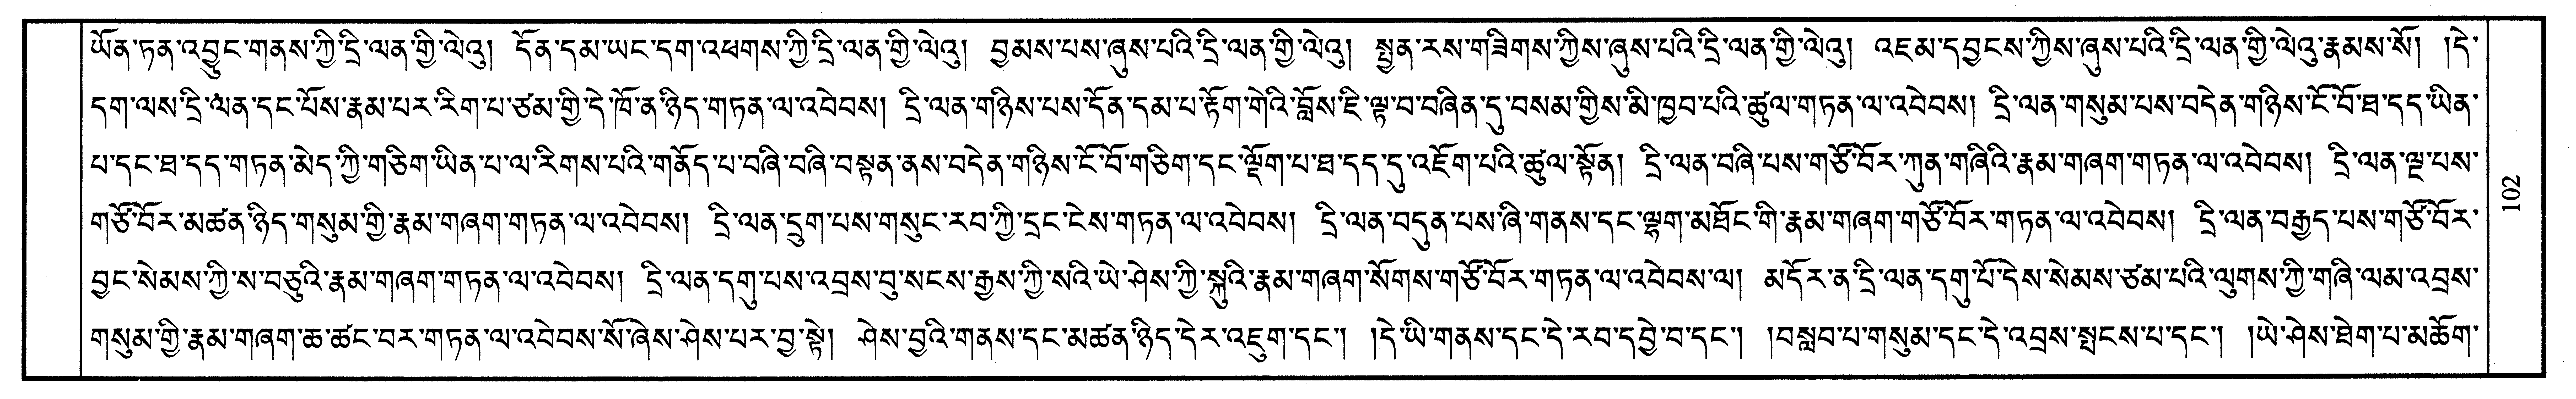ཡོན་ཏན་འབྱུང་གནས་ཀྱི་དྲི་ལན་གྱི་ལེའུ། དོན་དམ་ཡང་དག་འཕགས་ཀྱི་དྲི་ལན་གྱི་ལེའུ། བྱམས་པས་ཞུས་པའི་དྲི་ལན་གྱི་ལེའུ། སྤྱན་རས་གཟིགས་ཀྱིས་ཞུས་པའི་དྲི་ལན་གྱི་ལེའུ། འཇམ་དབྱངས་ཀྱིས་ཞུས་པའི་དྲི་ལན་གྱི་ལེའུ་རྣམས་སོ། །དེ་
དག་ལས་དྲི་ལན་དང་པོས་རྣམ་པར་རིག་པ་ཙམ་གྱི་དེ་ཁོ་ན་ཉིད་གཏན་ལ་འབེབས། དྲི་ལན་གཉིས་པས་དོན་དམ་པ་རྟོག་གེའི་བློས་ཇི་ལྟ་བ་བཞིན་དུ་བསམ་གྱིས་མི་ཁྱབ་པའི་ཚུལ་གཏན་ལ་འབེབས། དྲི་ལན་གསུམ་པས་བདེན་གཉིས་ངོ་བོ་ཐ་དད་ཡིན་
པ་དང་ཐ་དད་གཏན་མེད་ཀྱི་གཅིག་ཡིན་པ་ལ་རིགས་པའི་གནོད་པ་བཞི་བཞི་བསྟན་ནས་བདེན་གཉིས་ངོ་བོ་གཅིག་དང་ལྡོག་པ་ཐ་དད་དུ་འཇོག་པའི་ཚུལ་སྟོན། དྲི་ལན་བཞི་པས་གཙོ་བོར་ཀུན་གཞིའི་རྣམ་གཞག་གཏན་ལ་འབེབས། དྲི་ལན་ལྔ་པས་
གཙོ་བོར་མཚན་ཉིད་གསུམ་གྱི་རྣམ་གཞག་གཏན་ལ་འབེབས། དྲི་ལན་དྲུག་པས་གསུང་རབ་ཀྱི་དྲང་ངེས་གཏན་ལ་འབེབས། དྲི་ལན་བདུན་པས་ཞི་གནས་དང་ལྷག་མཐོང་གི་རྣམ་གཞག་གཙོ་བོར་གཏན་ལ་འབེབས། དྲི་ལན་བརྒྱད་པས་གཙོ་བོར་
བྱང་སེམས་ཀྱི་ས་བཅུའི་རྣམ་གཞག་གཏན་ལ་འབེབས། དྲི་ལན་དགུ་པས་འབྲས་བུ་སངས་རྒྱས་ཀྱི་སའི་ཡེ་ཤེས་ཀྱི་སྐུའི་རྣམ་གཞག་སོགས་གཙོ་བོར་གཏན་ལ་འབེབས་ལ། མདོར་ན་དྲི་ལན་དགུ་པོ་དེས་སེམས་ཙམ་པའི་ལུགས་ཀྱི་གཞི་ལམ་འབྲས་
གསུམ་གྱི་རྣམ་གཞག་ཆ་ཚང་བར་གཏན་ལ་འབེབས་སོ་ཞེས་ཤེས་པར་བྱ་སྟེ། ཤེས་བྱའི་གནས་དང་མཚན་ཉིད་དེར་འཇུག་དང་། །དེ་ཡི་གནས་དང་དེ་རབ་དབྱེ་བ་དང་། །བསླབ་པ་གསུམ་དང་དེ་འབྲས་སྤངས་པ་དང་། །ཡེ་ཤེས་ཐེག་པ་མཆོག་